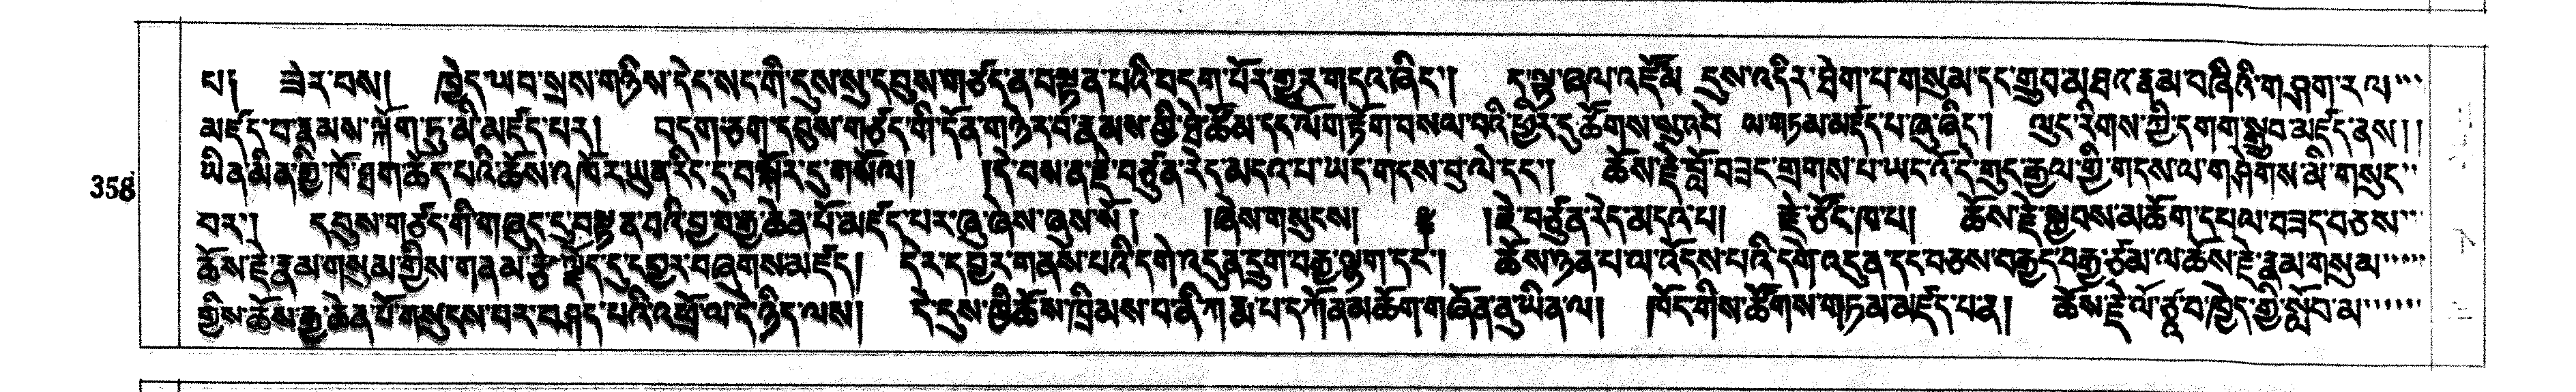པ༑ ཟེར་བས། ཁྱེད་ཡབ་སྲས་གཉིས་དེང་སང་གི་དུས་སུ་དབུས་གཙང་ན་བསྟན་པའི་བདག་པོར་གྱུར་གདའ་ཞིང་། ད་ལྟ་ཞལ་འཛོམ་དུས་འདིར་ཐེག་པ་གསུམ་དང་གྲུབ་མཐའ་རྣམ་བཞིའི་གཤག་རལ་
མཛད་བ་རྣམས་ལྐོག་ཏུ་མི་མཛད་པར། བདག་ཅག་དབུས་གཙང་གི་དོན་གཉེར་བ་རྣམས་ཀྱི་ཐེ་ཚོམ་དང་ལོག་རྟོག་བསལ་བའི་ཕྱིར་དུ་ཚོགས་སུ་འབེལ་གཏམ་མཛད་པ་ཞུ་ཞིང་། ལུང་རིགས་ཀྱི་དགག་སྒྲུབ་མཛད་ནས།།
ཡིན་མིན་གྱི་ཁོ་ཐག་ཆོད་པའི་ཆོས་འཁོར་ཡུན་རིང་དུ་བསྐོར་དུ་གསོལ། །དེ་བས་ན་རྗེ་བཙུན་རེད་མདའ་པ་ཡང་གངས་བུ་ལེ་དང་། ཆོས་རྗེ་བློ་བཟང་གྲགས་པ་ཡང་འོ་དེ་གུང་རྒྱལ་གྱི་གངས་ལ་གཤེགས་མི་གསུང་
བར། དབུས་གཙང་གི་གཞུང་དུ་བསྟན་བའི་བྱ་བ་རྒྱ་ཆེན་པོ་མཛད་པར་ཞུ་ཞེས་ཞུས་སོ། ཞེས་གསུངས། ༈ །རྗེ་བཙུན་རེད་མདའ་པ། རྗེ་ཙོང་ཁ་པ། ཆོས་རྗེ་སྐྱབས་མཆོག་དཔལ་བཟང་བཅས་
ཆོས་རྗེ་རྣམ་གསུམ་གྱིས་གནམ་རྩེ་ལྗོད་དུ་དབྱར་བཞུགས་མཛད། དེར་དབྱར་གནས་པའི་དགེ་འདུན་དྲུག་བརྒྱ་ལྷག་དང་། ཆོས་ཉན་པ་ལ་འོངས་པའི་དགེ་འདུན་དང་བཅས་བརྒྱད་བརྒྱ་ཙམ་ལ་ཆོས་རྗེ་རྣམ་གསུམ་
གྱིས་ཆོས་རྒྱ་ཆེན་པོ་གསུངས་པར་བཤད་པའི་འཕྲོ་ལ་དེ་ཉིད་ལས། དེ་དུས་ཀྱི་ཆོས་ཁྲིམས་བ་ནི་ཀརྨ་པ་དཀོན་མཆོག་གཞོན་ནུ་ཡིན་ལ། ཁོང་གིས་ཚོགས་གཏམ་མཛད་པ་ན། ཆོས་རྗེ་ལོ་ཙཱ་བ་ཁྱེད་གྱི་སློབ་མ་